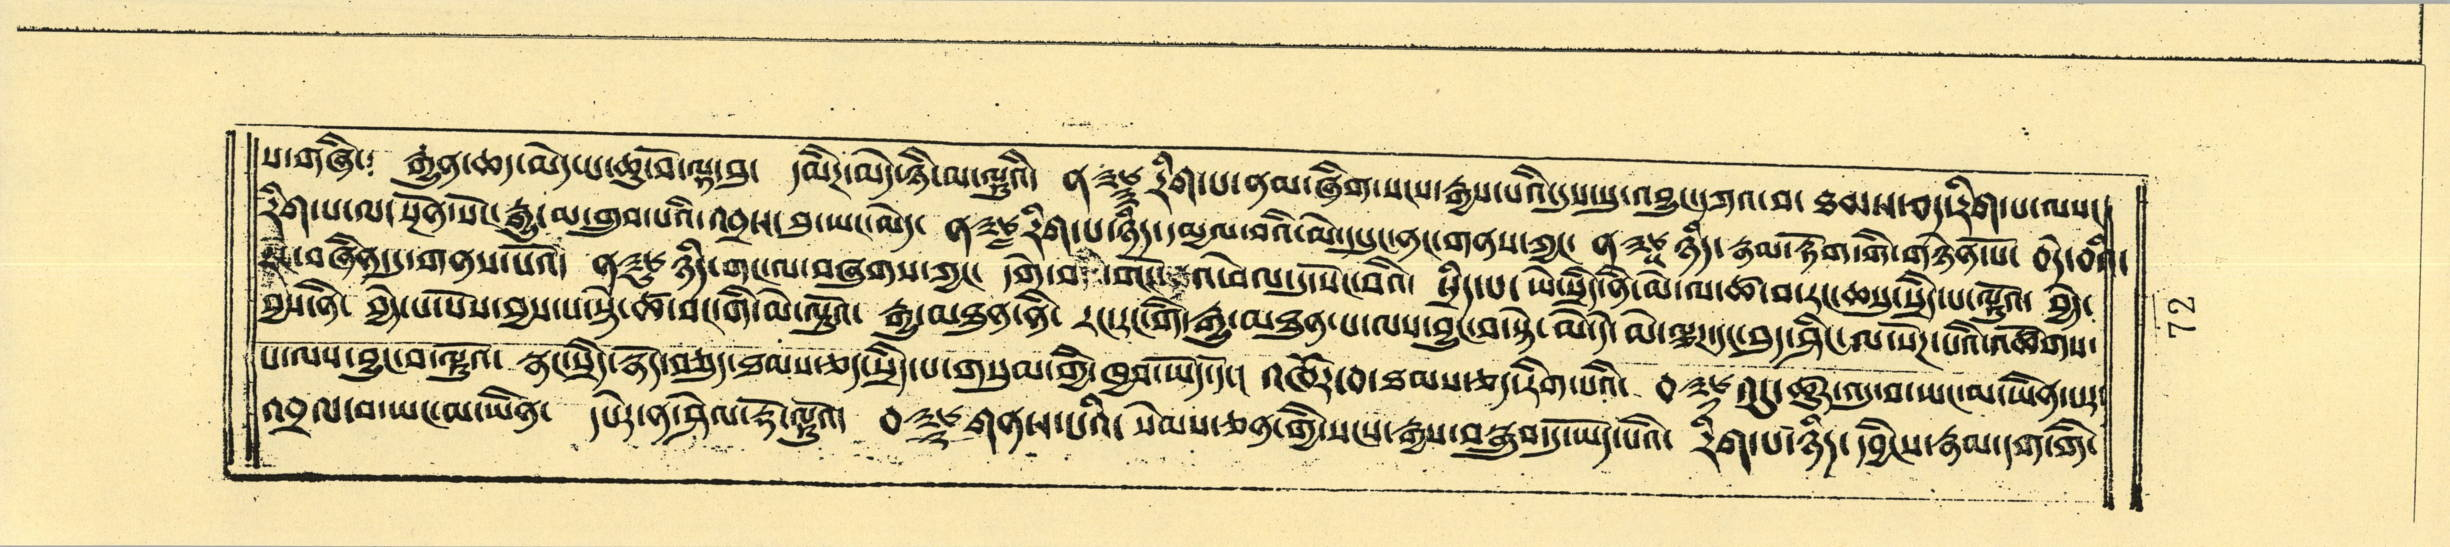ས་གཞི་ རྒྱུན་ཆད་མེད་པ་ཆུ་བོ་ལྟ་བུ་ དམིགས་མེད་ཉི་མ་ལྟ་བུའི་ ན༣༦།༣རིག་པ་ནམ་ཞིག་སངས་རྒྱས་པའི་དུས་སུ་འབྱུང་དཀའ་བ་ཐམས་ཅད་རིག་པ་ལས་
རིག་པ་ལ་སྔོན་སོང་རྒྱུ་མ་གྲུབ་པས་འབྲས་བུ་ཡང་མེད་ ན༣༦།༤རིག་པ་ཉིད་དམྱལ་བའི་མེ་དཔུང་ནང་གནས་ཀྱང་ ན༣༦།༥ ཉིད་རྣམ་རྟོག་གི་གཉེན་པོ་ བདེ་བའི་
རང་བཞིན་དུ་གནས་པའོ། ན༣༦།༦ཉིད་གང་ལ་བཞུགས་ཀྱང་ དགེ་བ་གོང་འཕེལ་དུ་སོང་བའི་ སྲིད་པ་ཡེ་སྲིད་ནི་མེ་ལ་ཚ་བ་རང་ཆས་སུ་སྲིད་པ་ལྟ་བུའོ། བྱེད་
བྱས་ནི་ བྱེད་པ་པོས་བྱས་པ་སྟེ་ཚང་བང་གི་མེ་ལྟ་བུའོ། རྒྱུ་མཐུན་ནི་ རང་རང་གི་རྒྱུ་མཐུན་པ་ལས་བྱུང་བ་སྟེ་མེ་དེ་མེ་ལྕགས་དང་འབུད་ཤིང་ལ་སོགས་པའི་འཚོགས་
པ་ལས་བྱུང་བ་ལྟ་བུའོ། སྣང་སྲིད་སྣོད་བཅུད་ཐམས་ཅད་སྲིད་པ་གསུམ་གྱིས་ཁྱབ་ཡོད་དོ། འཁོར་བ་ཐམས་ཅད་རིག་པའི་ བ༣༦འདུ་ཚུར་འདུ་བ་ཡང་མ་ཡིན་པར་
འབྲལ་བ་ཡང་མ་ཡིན་ དཔེར་ན་ཤེལ་རྡོ་ལྟ་བུའོ། བ༣༦།༢ གནས་པའི་སེམས་ཅན་གྱི་སངས་རྒྱས་བསྒྲུབ་ཏུ་ཡོད་པའི་ རིོག་པ་ཉིད་དབྱིངས་རྣམ་དག་གི་